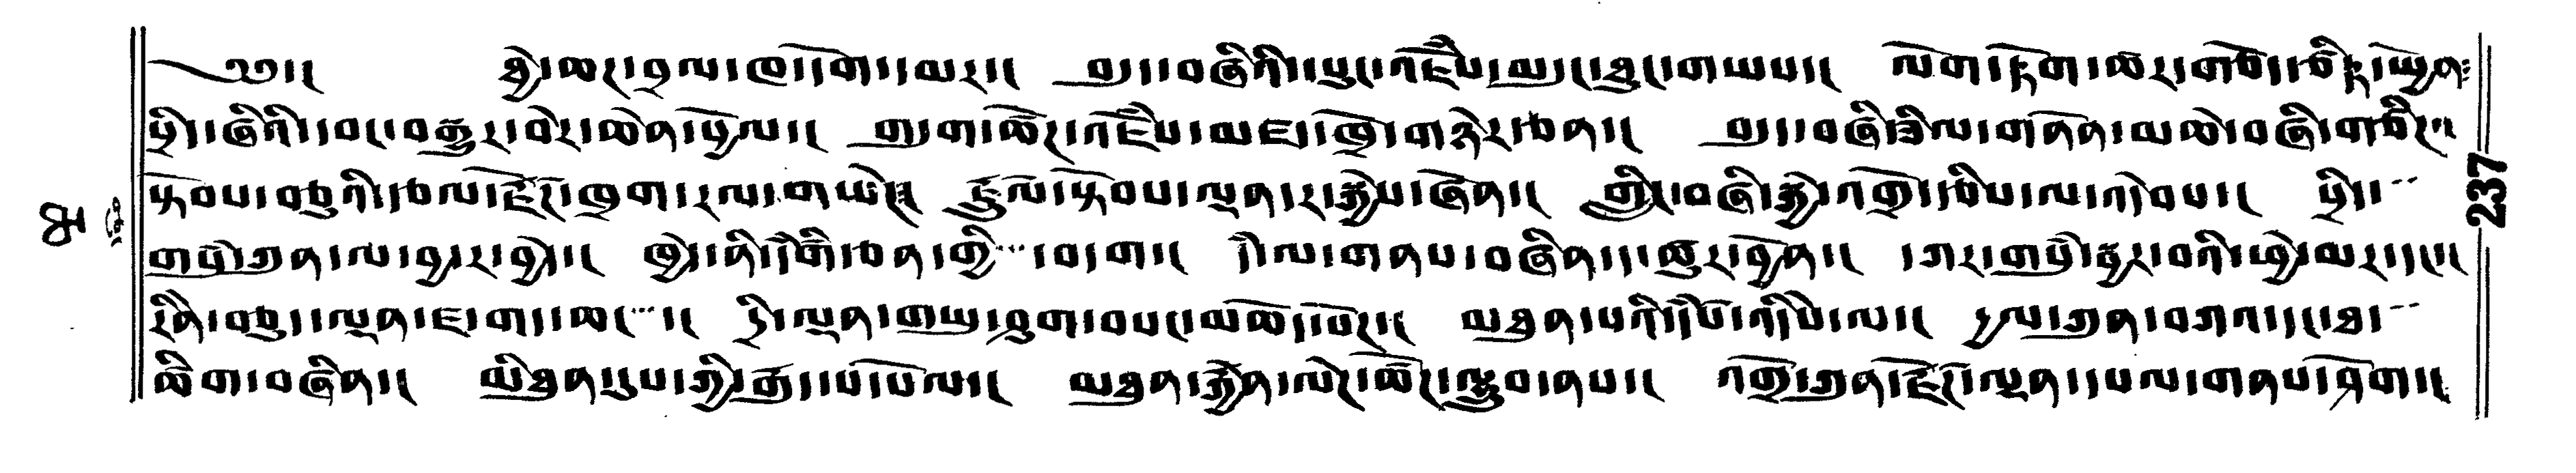།ཐུགས་རྗེ་ཆགས་བྲལ་ཁ་དོག་དམར། །བདུད་བཞིའི་དཔུང་འཇོམས་མདུང་ཐུང་གཡས། །ལོག་རྟོག་ཚར་གཅོད་ཅིཏྟ་གཡོན། །
སྲིད་ཞིར་དབང་བསྒྱུར་བེར་ཆེན་གསོལ། །གདུག་ཚོགས་འཛོམས་མཛད་ཁྲོ་གཉེར་ཅན། །བདུད་བཞི་ཟིལ་གནོན་མཆེ་བཞི་གཙིགས། །
སྟོབས་བཅུའི་རྩལ་རྫོགས་ཁྲག་རལ་གཡོ། །རྫུ་འཕྲུལ་སྟོབས་ལྡན་ར་སྐྱེས་ཞོན། །གླིང་བཞིའི་སྐྱེ་འགྲོ་རྩིས་ལ་འདེབས། །སྲིད་
གསུམ་ཀུན་ལ་བྱ་ར་བྱེད། ཁྱེད་ནི་དམ་ཚིག་ཅན་གྱི་བདག དམ་ལ་གནས་བཞིན་ད་ཚུར་བྱོན། །དཀར་གསུམ་སྦྱར་བའི་ཕྱེ་མར་དང་། །
རིན་ཆེན་བཅུད་ལྡན་ཛ་གད་ཆང་། །དྲི་ལྡན་གཡུ་ཤུག་བསང་མཆོད་སོགས། །མཐུན་པའི་དམ་རྫས་འདི་བཞེས་ལ། །རྒྱལ་ཀུན་བཀའ་དང་ཐ་
ཚིག་བཞིན། །མི་མཐུན་དུས་ཀྱི་རྒུད་པ་སོལ། །མཐུན་རྐྱེན་ལེགས་ཚོགས་ལྷུན་གྲུབ་ནས། །འགྲོ་ཀུན་རྫོགས་ལྡན་དཔལ་གནས་ཤོག